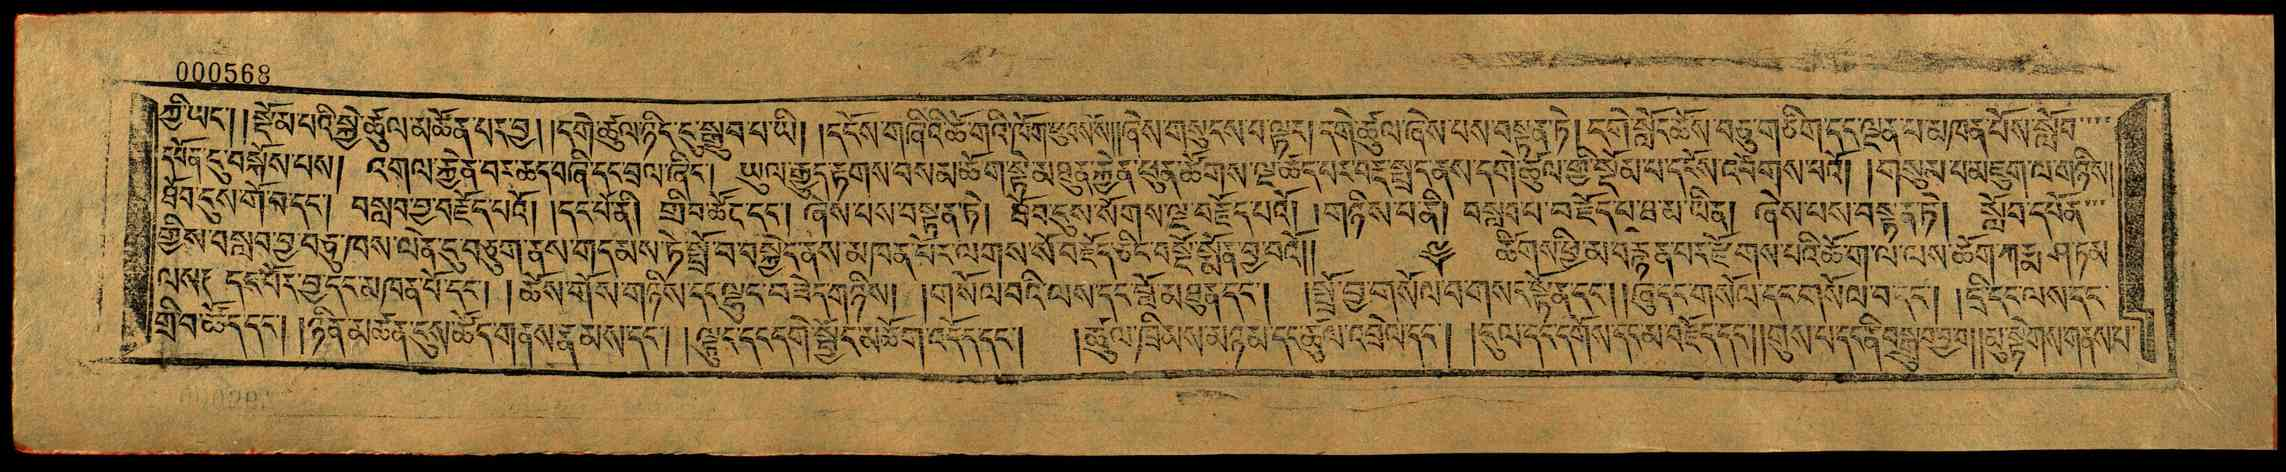ཀྱི་ཡང་། །སྡོམ་པའི་སྐྱེ་ཚུལ་མཚོན་པར་བྱ། །དགེ་ཚུལ་ཉིད་དུ་སྒྲུབ་པ་ཡི། །དངོས་གཞིའི་ཆོ་གའི་ཁོག་ཕུབ་སོས། །ཞེས་གསུངས་པ་ལྟར། དགེ་ཚུལ་ཞེས་པས་བསྟན་ཏེ། དགེ་སློང་ཆོས་བཅུ་གཅིག་དང་ལྡན་པ་མཁན་པོས་སློབ་
དཔོན་དུ་བསྐོས་པས། འགལ་རྐྱེན་བར་ཆད་བཞི་དང་བྲལ་ཞིང་། ཡུལ་རྒྱུད་རྟགས་བསམ་ཆོ་ག་སྟེ་མཐུན་རྐྱེན་ཕུན་ཚོགས་ལྔ་ཚང་བར་བརྡ་སྤྲད་ནས་དགེ་ཚུལ་གྱི་སྡོམ་པ་དངོས་འབོགས་པའོ། །གསུམ་པ་མཇུག་ལ་གཉིས་
ཐོབ་དུས་གོ་བ་དང་། བསླབ་བྱ་བརྗོད་པའོ། །དང་པོ་ནི། གྲིབ་ཚོད་དང་། ཞེས་པས་བསྟན་ཏེ། ཐོབ་དུས་སོགས་ལྔ་བརྗོད་པའོ། །གཉིས་པ་ནི། བསླབ་བ་བརྗོད་པ་ཐ་མ་ཡིན། ཞེས་པས་བསྟན་ཏེ། སློབ་དཔོན་
གྱིས་བསླབ་བྱ་བཅུ་ཁས་ལེན་དུ་བཅུག་ནས་གདམས་ཏེ་སྤྲོ་བ་བསྐྱེད་ནས་མཁན་པོར་ལེགས་སོ་བརྗོད་ཅིང་བསྔོ་སྨོན་བྱ་བའོ།། ༈ ཚིགས་ཕྱི་མ་བསྙེན་པར་རྫོགས་པའི་ཆོ་ག་ལ་ལས་ཆོག་ཀརྨ་ཤ་ཏམ་
ལས། །དང་པོར་བྱ་དང་མཁན་པོ་དང་། །ཆོས་གོས་གཉིས་དང་ལྷུང་བཟེད་གཉིས། །གསོལ་བའི་ལས་དང་བློ་མཐུན་དང་། །སྤྲོ་བྱ་གསོལ་བ་གསང་སྟོན་དང་། །ཞུ་དང་གསོལ་དང་གསོལ་བ་དང་། །དྲི་དང་ལས་དང་
གྲིབ་ཚད་དང་། །ཉིན་མཚན་དུས་ཚོད་གནས་རྣམས་དང་། །ལྟུང་དང་དགེ་སྦྱོང་མཆོག་འདོད་དང་། །ཚུལ་ཁྲིམས་མཉམ་དང་ཚུལ་འབྲེལ་དང་། །དུལ་དང་དགོས་དང་མ་བརྗོད་དང་། །གུས་པ་དང་ནི་བསྒྲུབ་བྱ་བ། །མུ་སྟེགས་གནས་པ་